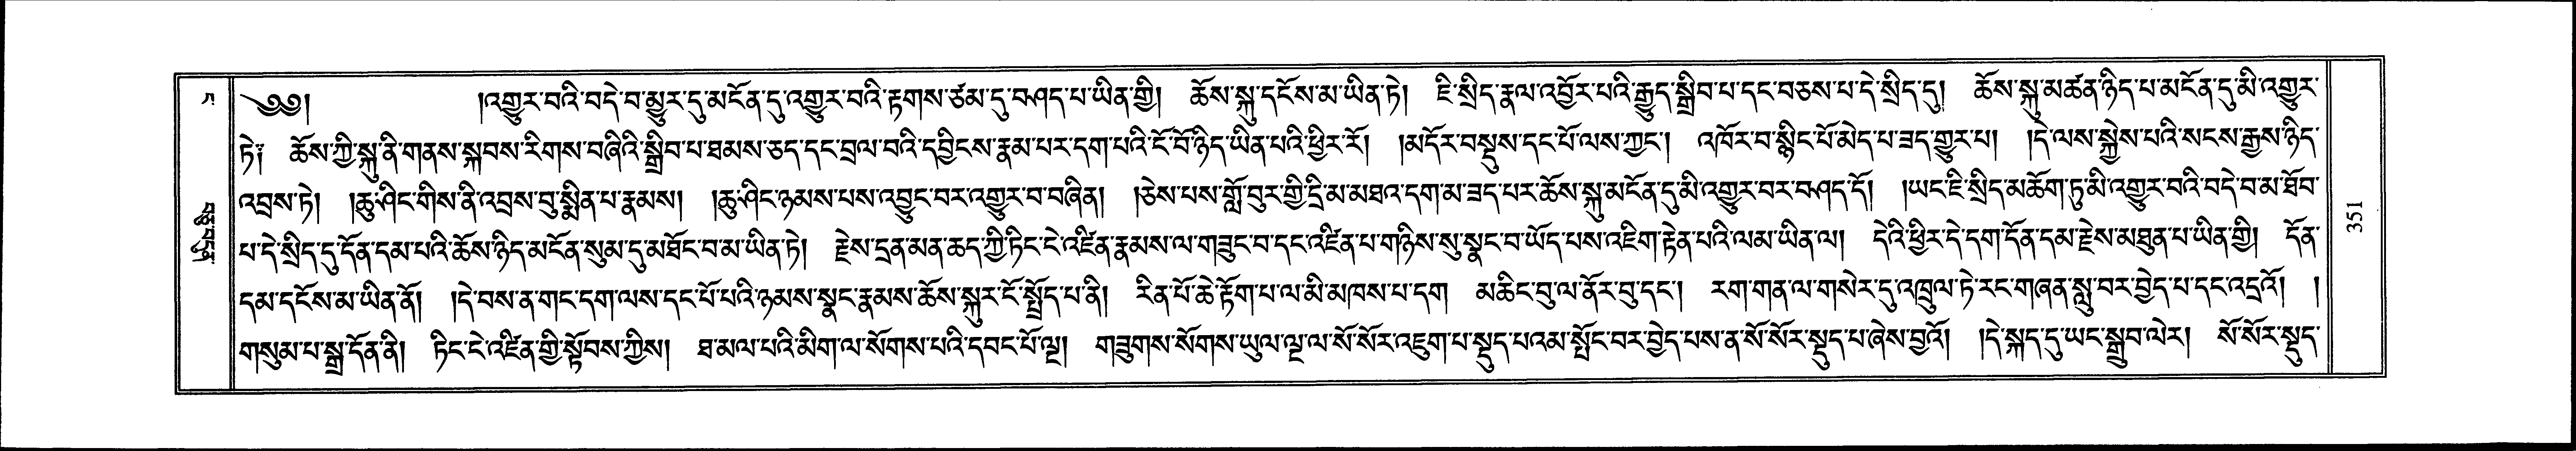༄༅། །འགྱུར་བའི་བདེ་བ་མྱུར་དུ་མངོན་དུ་འགྱུར་བའི་རྟགས་ཙམ་དུ་བཤད་པ་ཡིན་གྱི། ཆོས་སྐུ་དངོས་མ་ཡིན་ཏེ། ཇི་སྲིད་རྣལ་འབྱོར་པའི་རྒྱུད་སྒྲིབ་པ་དང་བཅས་པ་དེ་སྲིད་དུ། ཆོས་སྐུ་མཚན་ཉིད་པ་མངོན་དུ་མི་འགྱུར་
ཏེ། ཆོས་ཀྱི་སྐུ་ནི་གནས་སྐབས་རིགས་བཞིའི་སྒྲིབ་པ་ཐམས་ཅད་དང་བྲལ་བའི་དབྱིངས་རྣམ་པར་དག་པའི་ངོ་བོ་ཉིད་ཡིན་པའི་ཕྱིར་རོ། །མདོར་བསྡུས་དང་པོ་ལས་ཀྱང་། འཁོར་བ་སྙིང་པོ་མེད་པ་ཟད་གྱུར་པ། །དེ་ལས་སྐྱེས་པའི་སངས་རྒྱས་ཉིད་
འབྲས་ཏེ། །ཆུ་ཤིང་གིས་ནི་འབྲས་བུ་སྨིན་པ་རྣམས། །ཆུ་ཤིང་ཉམས་པས་འབྱུང་བར་འགྱུར་བ་བཞིན། །ཅེས་པས་གློ་བུར་གྱི་དྲི་མ་མཐའ་དག་མ་ཟད་པར་ཆོས་སྐུ་མངོན་དུ་མི་འགྱུར་བར་བཤད་དོ། །ཡང་ཇི་སྲིད་མཆོག་ཏུ་མི་འགྱུར་བའི་བདེ་བ་མ་ཐོབ་
པ་དེ་སྲིད་དུ་དོན་དམ་པའི་ཆོས་ཉིད་མངོན་སུམ་དུ་མཐོང་བ་མ་ཡིན་ཏེ། རྗེས་དྲན་མན་ཆད་ཀྱི་ཏིང་ངེ་འཛིན་རྣམས་ལ་གཟུང་བ་དང་འཛིན་པ་གཉིས་སུ་སྣང་བ་ཡོད་པས་འཇིག་རྟེན་པའི་ལམ་ཡིན་ལ། དེའི་ཕྱིར་དེ་དག་དོན་དམ་རྗེས་མཐུན་པ་ཡིན་གྱི། དོན་
དམ་དངོས་མ་ཡིན་ནོ། །དེ་བས་ན་གང་དག་ལས་དང་པོ་པའི་ཉམས་སྣང་རྣམས་ཆོས་སྐུར་ངོ་སྤྲོད་པ་ནི། རིན་པོ་ཆེ་རྟོག་པ་ལ་མི་མཁས་པ་དག་མཆིང་བུ་ལ་ནོར་བུ་དང་། རག་གན་ལ་གསེར་དུ་འཁྲུལ་ཏེ་རང་གཞན་སླུ་བར་བྱེད་པ་དང་འདྲའོ། །
གསུམ་པ་སྒྲ་དོན་ནི། ཏིང་ངེ་འཛིན་གྱི་སྟོབས་ཀྱིས། ཐ་མལ་པའི་མིག་ལ་སོགས་པའི་དབང་པོ་ལྔ། གཟུགས་སོགས་ཡུལ་ལྔ་ལ་སོ་སོར་འཇུག་པ་སྡུད་པའམ་སྤོང་བར་བྱེད་པས་ན་སོ་སོར་སྡུད་པ་ཞེས་བྱའོ། །དེ་སྐད་དུ་ཡང་སྒྲུབ་ལེར། སོ་སོར་སྡུད་